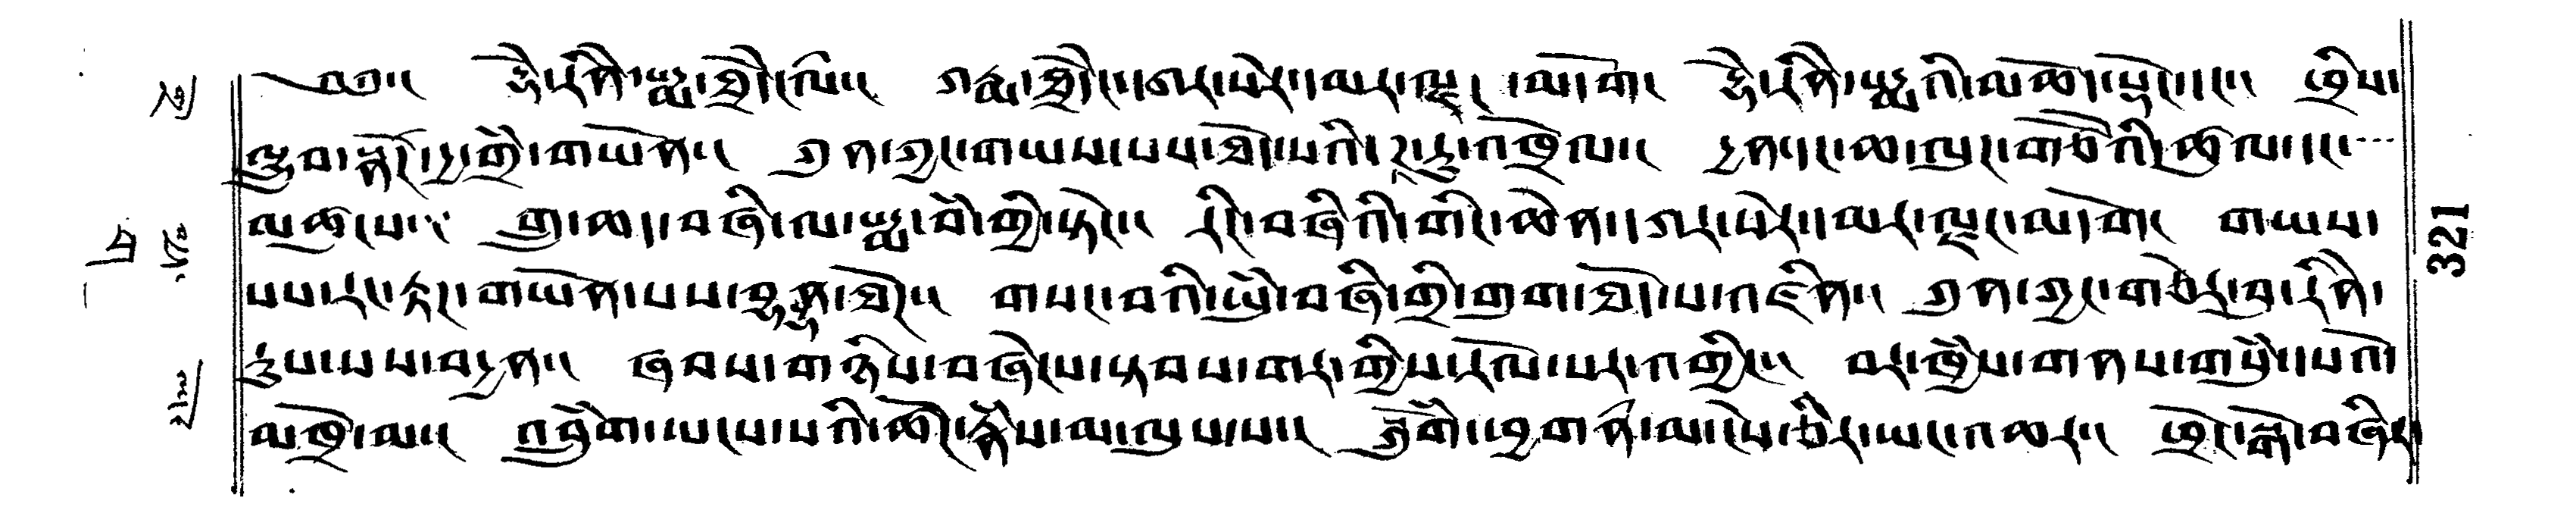།རྡོ་རྗེ་རིན་ཆེན་པདྨ་ཐོད་ཕྲེང་རྩལ། །ཀརྨ་ཐོད་ཕྲེང་དཀར་སེར་དམར་ལྗང་མདོག །རྡོ་རྗེ་རིན་ཆེན་པདྨའི་མཆོད་སྡོང་དང་། །ཕྲིན་ལས་
ལྷུན་གྲུབ་སྣ་ཚོགས་རྒྱ་གྲམ་གཡོན། །ཀུན་ཀྱང་གཡས་པས་ཐོད་པའི་ཌཱ་རུ་འཁྲོལ། །རྒྱན་དང་ཆ་ལུགས་གཙོ་བོའི་ཚུལ་དང་
མཚུངས། །གྲུ་ཆད་བཞི་ལ་པདྨ་བམ་གྱི་སྟེང་། །རིགས་བཞིའི་གིང་ཆེན་དཀར་སེར་དམར་ལྗང་མདོག།གཡས་
པས་རང་རྟགས་གཡོན་པས་བྷནྡྷ་ཐོགས། །གསང་བའི་ཡུམ་བཞི་གྲི་གུག་ཐོད་པ་འཛིན། །ཀུན་ཀྱང་གཅེར་བུ་རིན་ཆེན་
རུས་པས་བརྒྱན། །ཞབས་གཉིས་བཞེངས་སྟབས་གར་གྱིས་རོལ་པར་འགྱིང་། །བར་ཁྱམས་གནས་གསུམ་དཔའ་བོ་
མཁའ་འགྲོ་མ། །འབུམ་ཕྲག་ཡངས་པའི་ཚོགས་རྣམས་མ་ལུས་པ། །སྐུ་མདོག་ཕྱག་མཚན་མ་ངེས་ཅིར་ཡང་འཆར། ཕོ་བྲང་སྒོ་བཞིར་